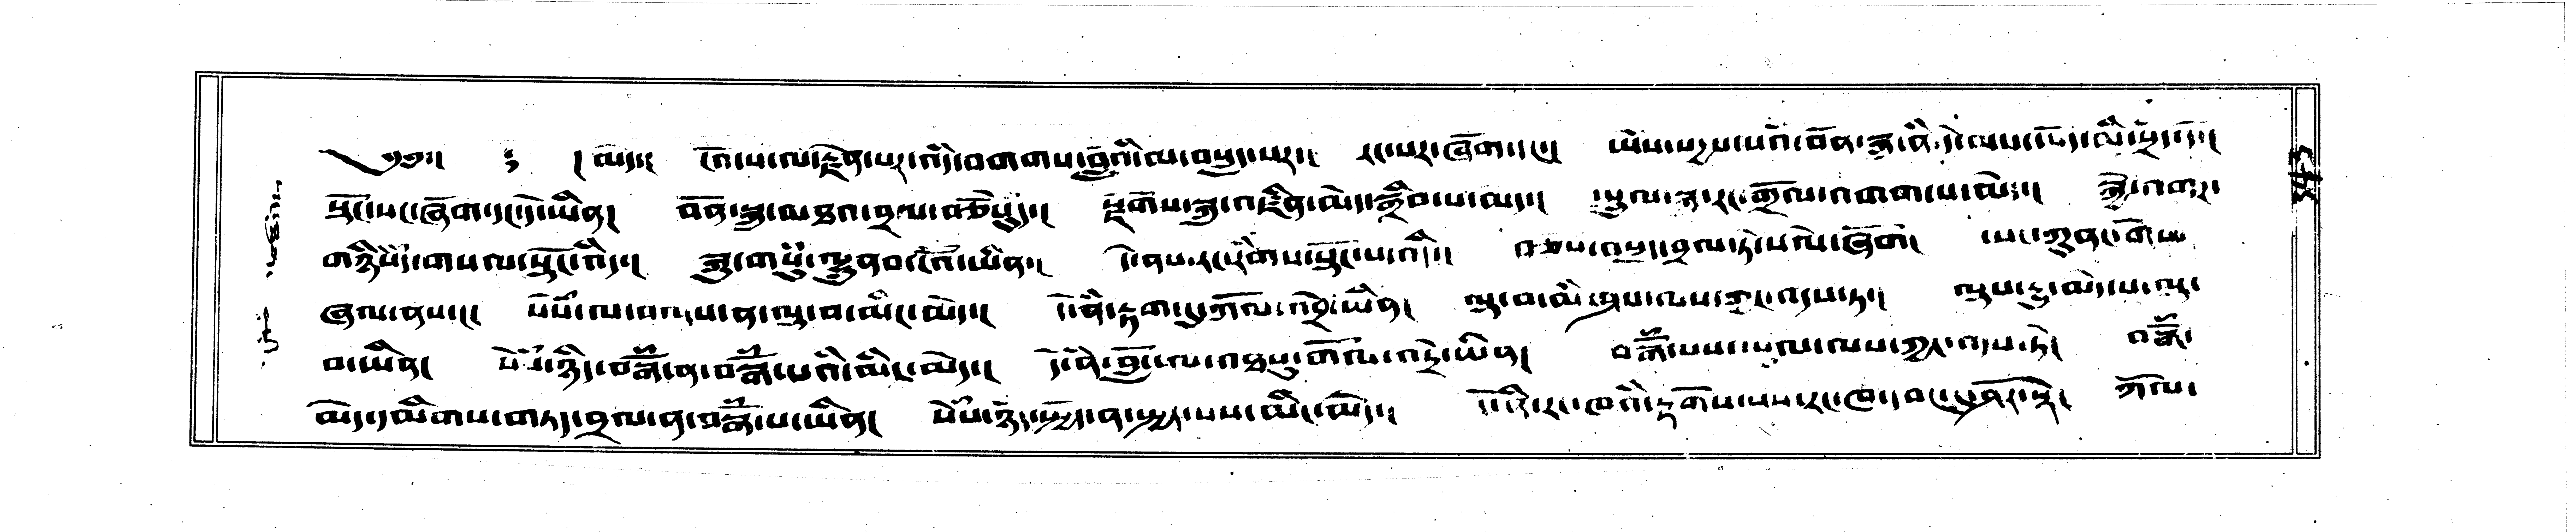མེད། ངོའོ་སལེ་རྗེན་ནེ་བ་འདི་བག་ཆགས་བློའི་མ་བསླད་པར། རང་སར་ཞོག་དང་ཡེ་སངས་རྒྱས་པའི་བོན་སྐུ་ནི་དེ་ལས་ཡོད་མི་སྲིད།
 སྟོང་སང་ངེ་ཞོག་དང་དོན་དེ་ཡིན། བོན་སྐུ་མཐའ་བྲལ་བཅོས་སུ་མེད། རྫོགས་སྐུ་འཛིན་མེད་སྒྲིབ་པ་མེད། སྤྲུལ་སྐུར་རང་གྲོལ་འགག་པ་མེད། སྐྱེ་གྷག་(འགག)
གཉིས་མེད་གསལ་སྟོང་འདི། སྐུ་གསུམ་ལྷུན་གྲུབ་ངོའོ་ཡིན། དེ་ནས་རང་རིག་སྟོང་པ་འདི། བཅོས་བསླད་བྲལ་ཏེ་སལེ་ཞོག ཡང་ཀུན་བཟང་གིས་
ཞལ་ནས། སེམས་ལ་བལྟས་ན་བལྟ་བའི་མིང་མེད། དེ་ནི་རྟག་ཆད་དུ་གོལ་འདྲེས་ཡིན། ལྟ་བའི་ཤེས་པ་ལས་ཀྱང་འདས་ཏེ། ལྟ་རྒྱུ་མེད་ན་ལྟ་
བ་ཡིན། སེམས་ཉིད་སྒོམ་ན་སྒོམ་པའི་མིང་མེད། དེ་ནི་བློ་ཨེན་༼ཨ༽འཐས་སུ་གོལ་འདྲེ་ཡིན། སྒོམ་པའི་ཡུལ་ལས་ཀྱང་འདས་ཏེ། སྒོམ་
མེད་དམིགས་གཏད་བྲལ་ན་སྒོམ་པ་ཡིན། སེམས་ཉིད་སྤྱོད་ན་སྤྱོད་པའི་མིང་མེད། དེ་ནི་རྟོག་པ་རང་ཁའི་དབང་དུ་ཤོར་ཏེ་གོལ་